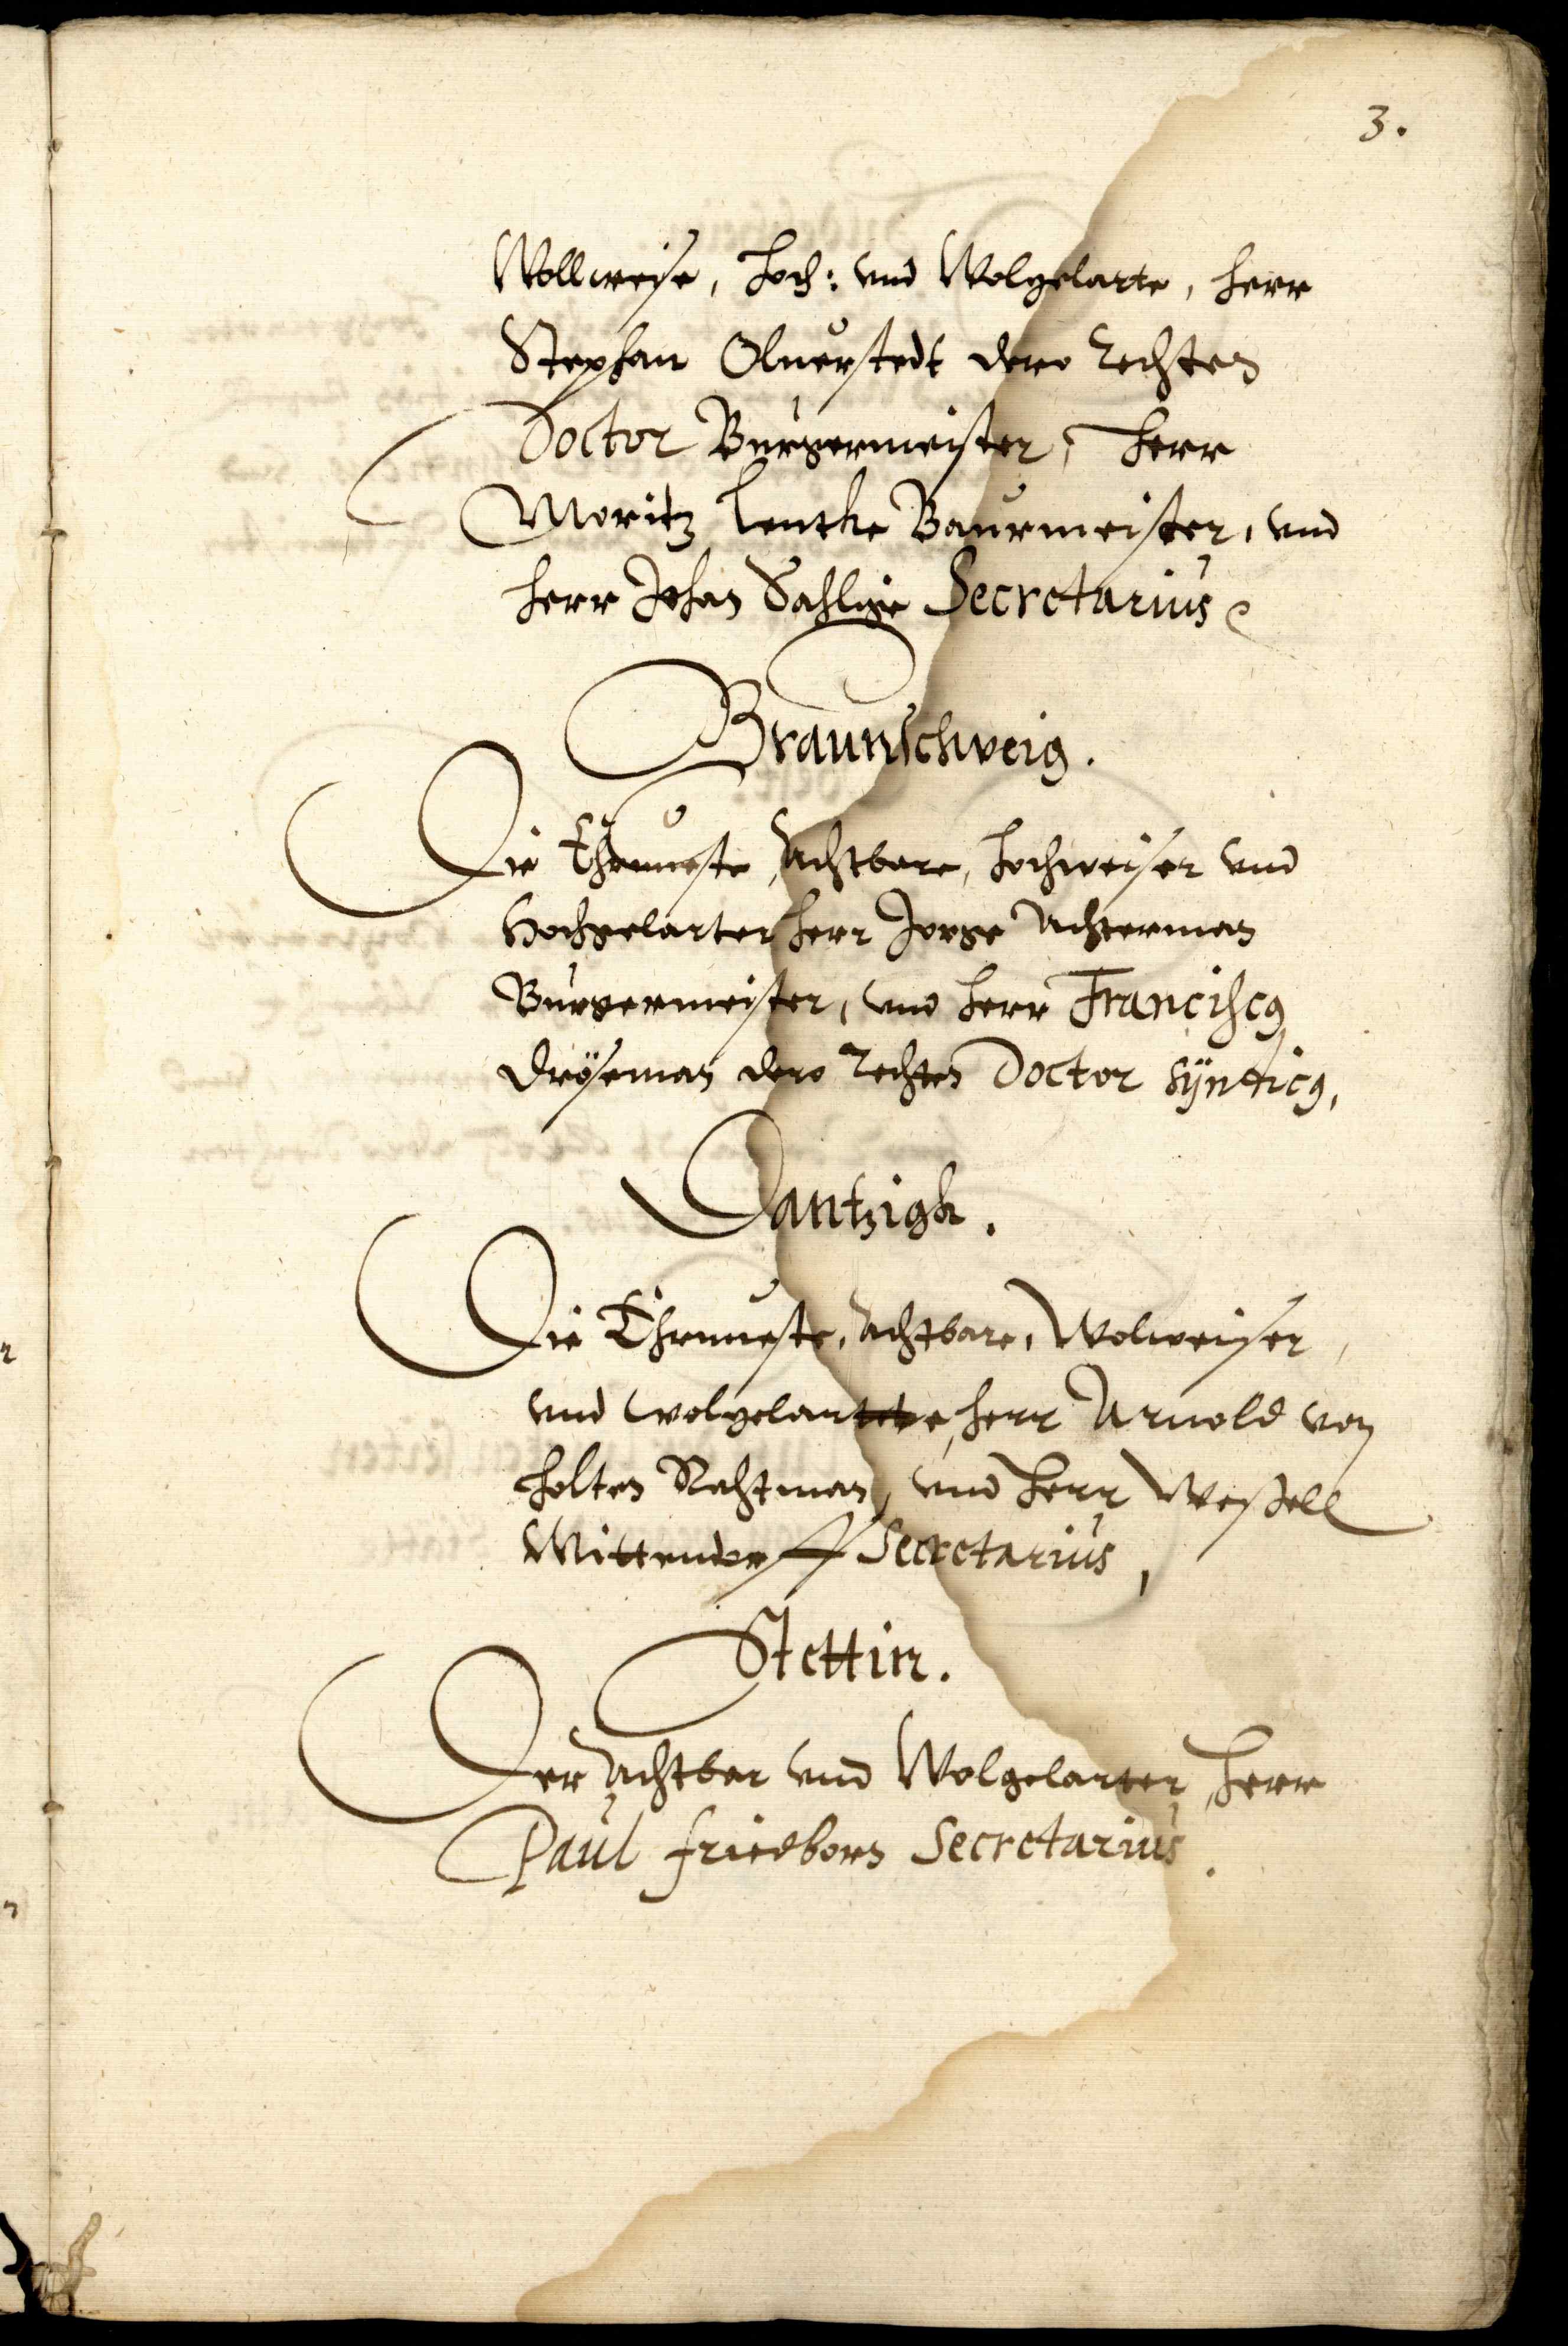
3.
Wollweise, Hoch: vnd Wolgelarte, herr
Stephan Oluerstedt dero Rechten
Doctor Burgermeister, Herr
Moritz Lantke Baurmeister, vnd
herr Johan Sahlige Secretarius c
Braunschweig.
Die Ehrueste, Achtbare, hochweiser vnd
Hochgelarter herr Jorge Achterman
Burgermeister, vnd herr Francihcus
Dröseman dero Rechten Doctor Sÿnticus,
Dantzigk.
Die Ehrnueste, Achbare, Wolweisen,
vnd wolgelarte, herr Arnold von
Holten Rahtman vnd Herr Weßell
Mittendorff Secretarius,
Stettin.
Der Achtbare vnd Wolgelarte Herr Herr
Paul Friedborn Secretarius
